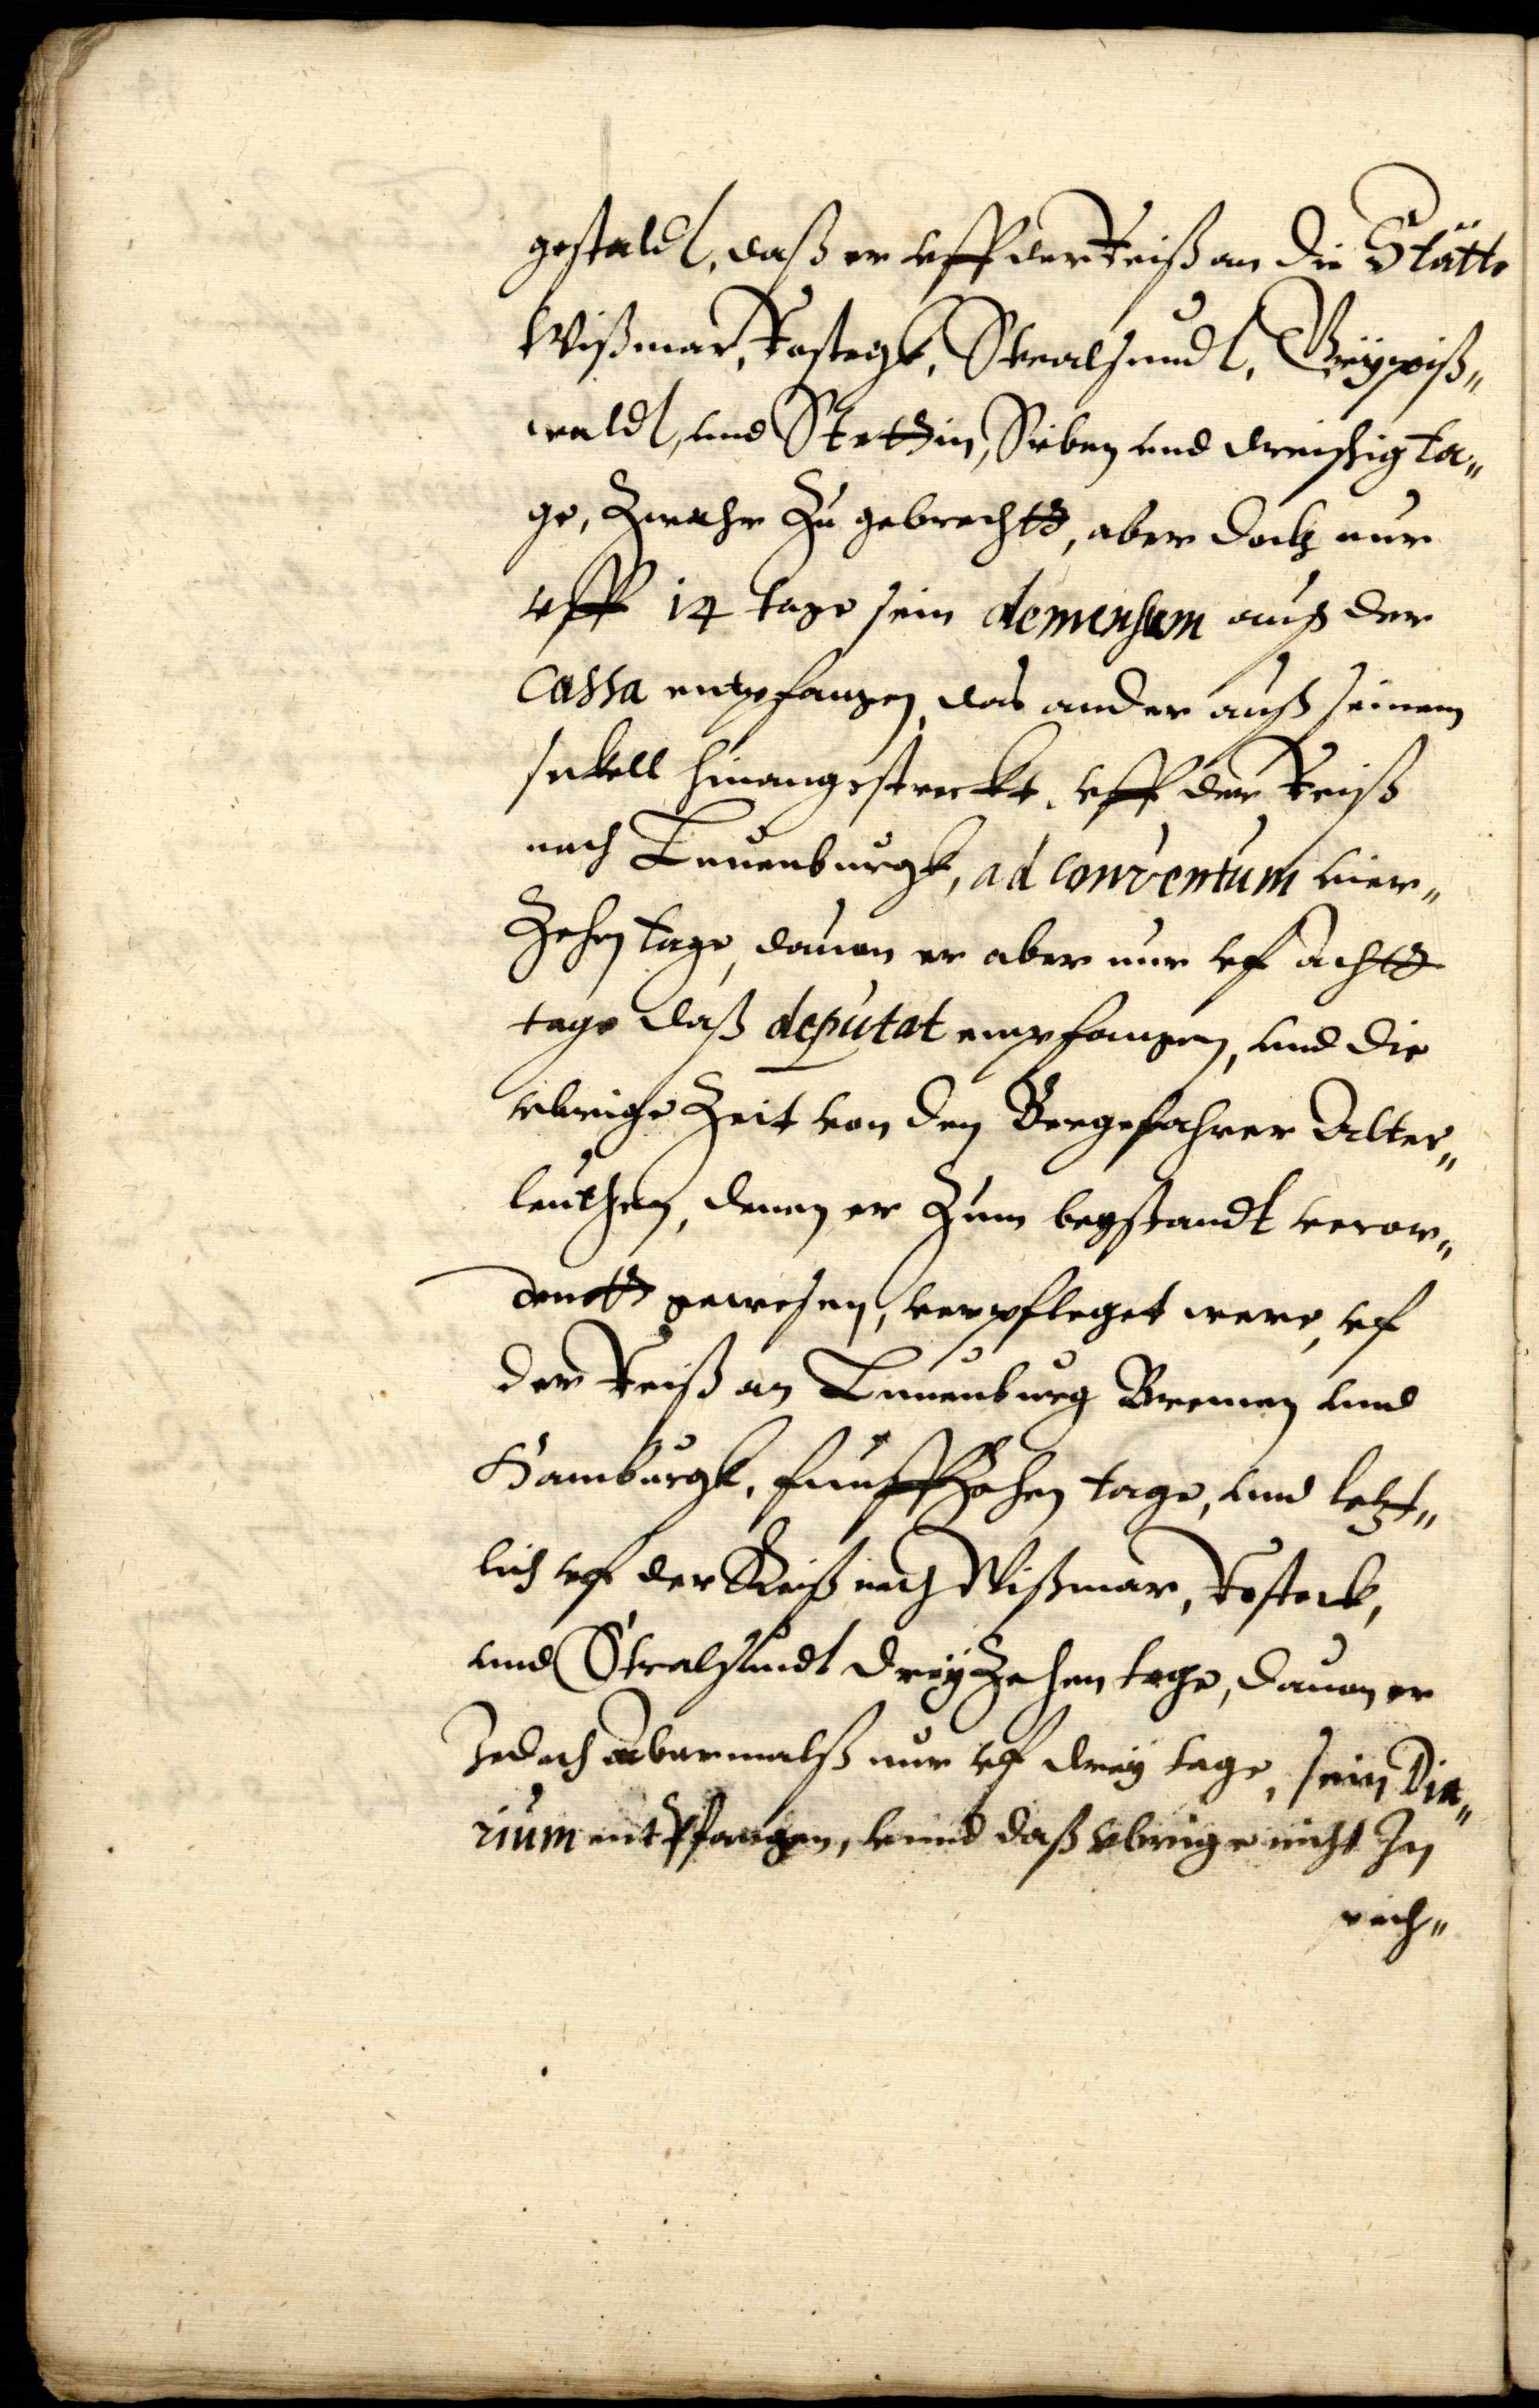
gestaldt, daß er vff der Reiß an die Stätte
Wißmar, Rostegk, Stralsundt, Grijpiß¬
waldt, vnd Stettin, Sieben vnd dreißig ta¬
ge, zwahr zu gebrachth, aber doch nur
vff 14 tage sein demensum auß der
Cassa entpfangen, das ander auß seinem
seckell hinangestreckt, vff der Reiß
nach Lunenburgk, ad conventum vier¬
Zehen tage, dauon er aber nur vf Achtt
tage daß deputat empfangen, vnd die
vbrige Zeit von den Bergefahrer Alter¬
leuthen, denen er zum beystandt veror¬
denett gewesen, verpfleget were, vf
der Reiß an Lunenburg Bremen vnd
Hamburgk, funffzehen tage, vnd letzt¬
lich vff der Reiß nach Wißmar, Rostock,
vnd Stralsundt dreijzehen tage, dauon er
jedoch Abermalß nur vf dreij tage, sein Dia¬
rium entpfangen, vnnd daß vbrige nicht In
rech¬
